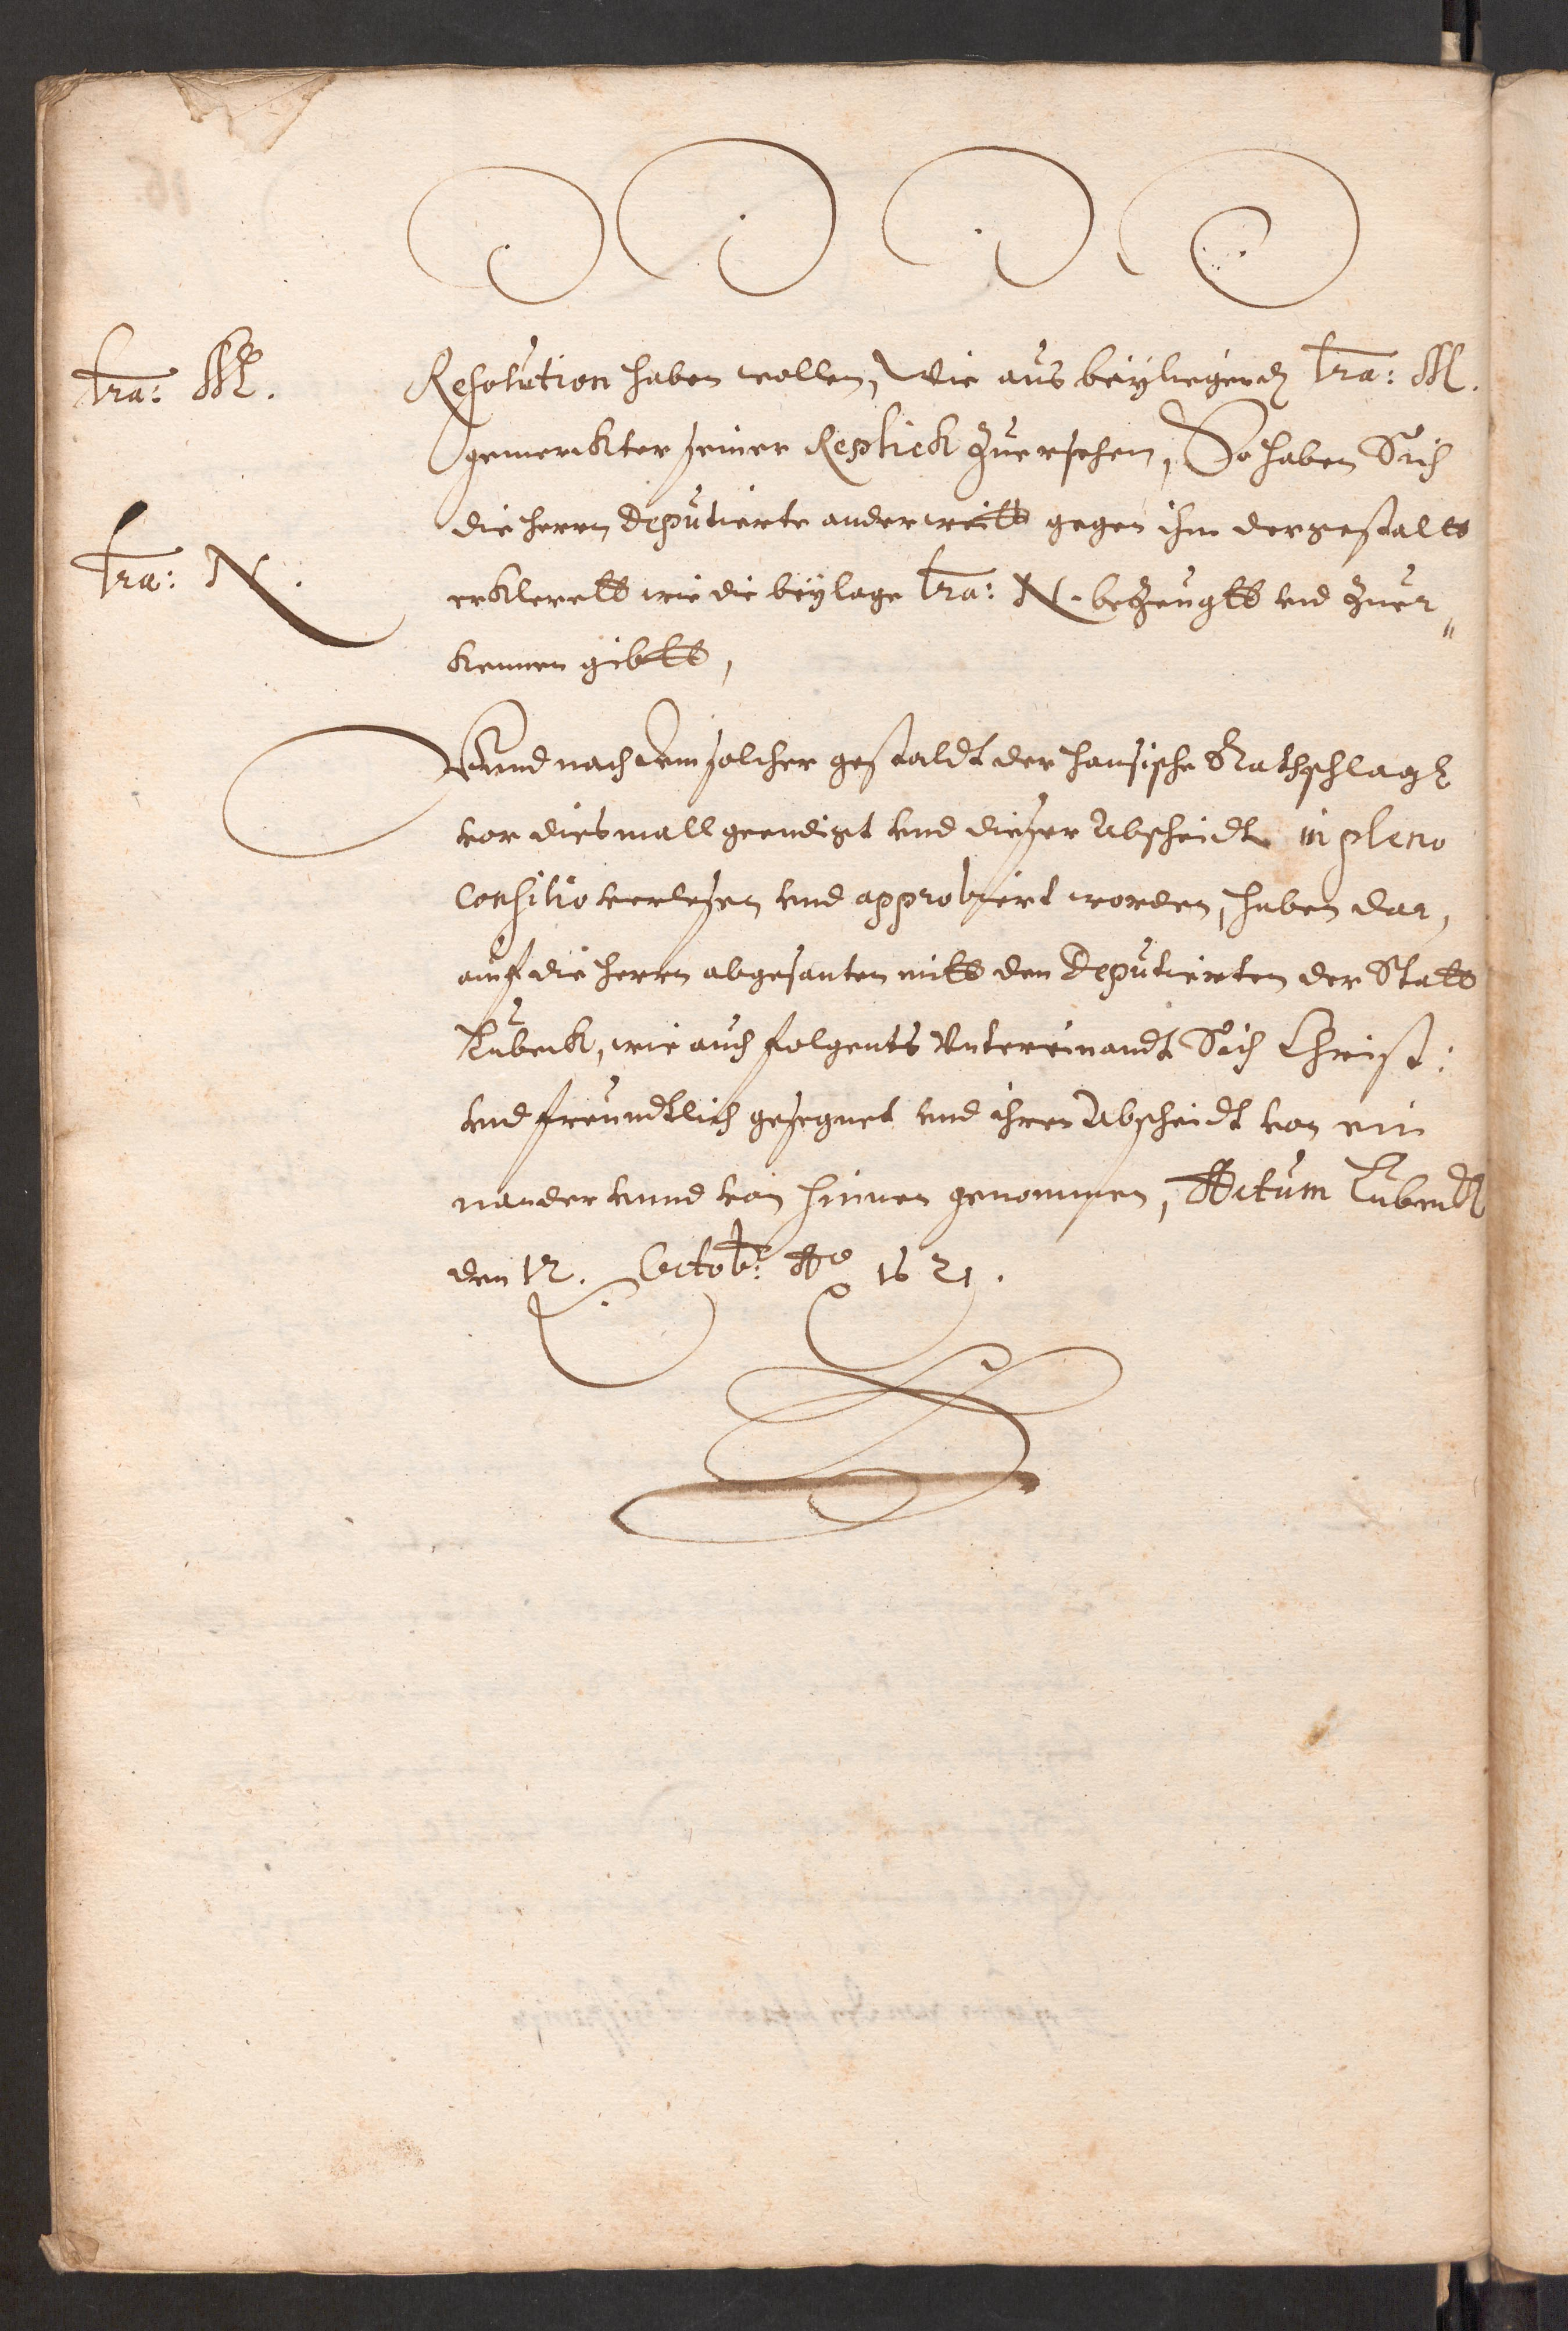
Resolution haben wollen, Wie aus beijliegend littera: M.
gemerckter seiner Replick zuersehen, So haben Sich
die herrn Deputierte anderweitt gegen ihn dergestaltt
erklerett wie die beijlage littera: N. bezeugtt vnd zuer¬
kennen gibtt,
littera: M.
littera: N.
Vnnd nachdem solcher gestaldt der hansische Rathschlagk
vor diesmall geendigt vnd dieser Abscheidt in pleno
consilio verlesen vnd approbiert worden, haben dar¬
auf die herrn abgesanten mitt den Deputierten der Statt
Lubeck, wie auch folgents vntereinandt Sich Christ:
vnd freundtlich gesegnet vnd ihren Abscheidt von ein
nander vnnd von hinnen genommen, Actum Lubeck
den 12. Octobris Anno p 1621.
